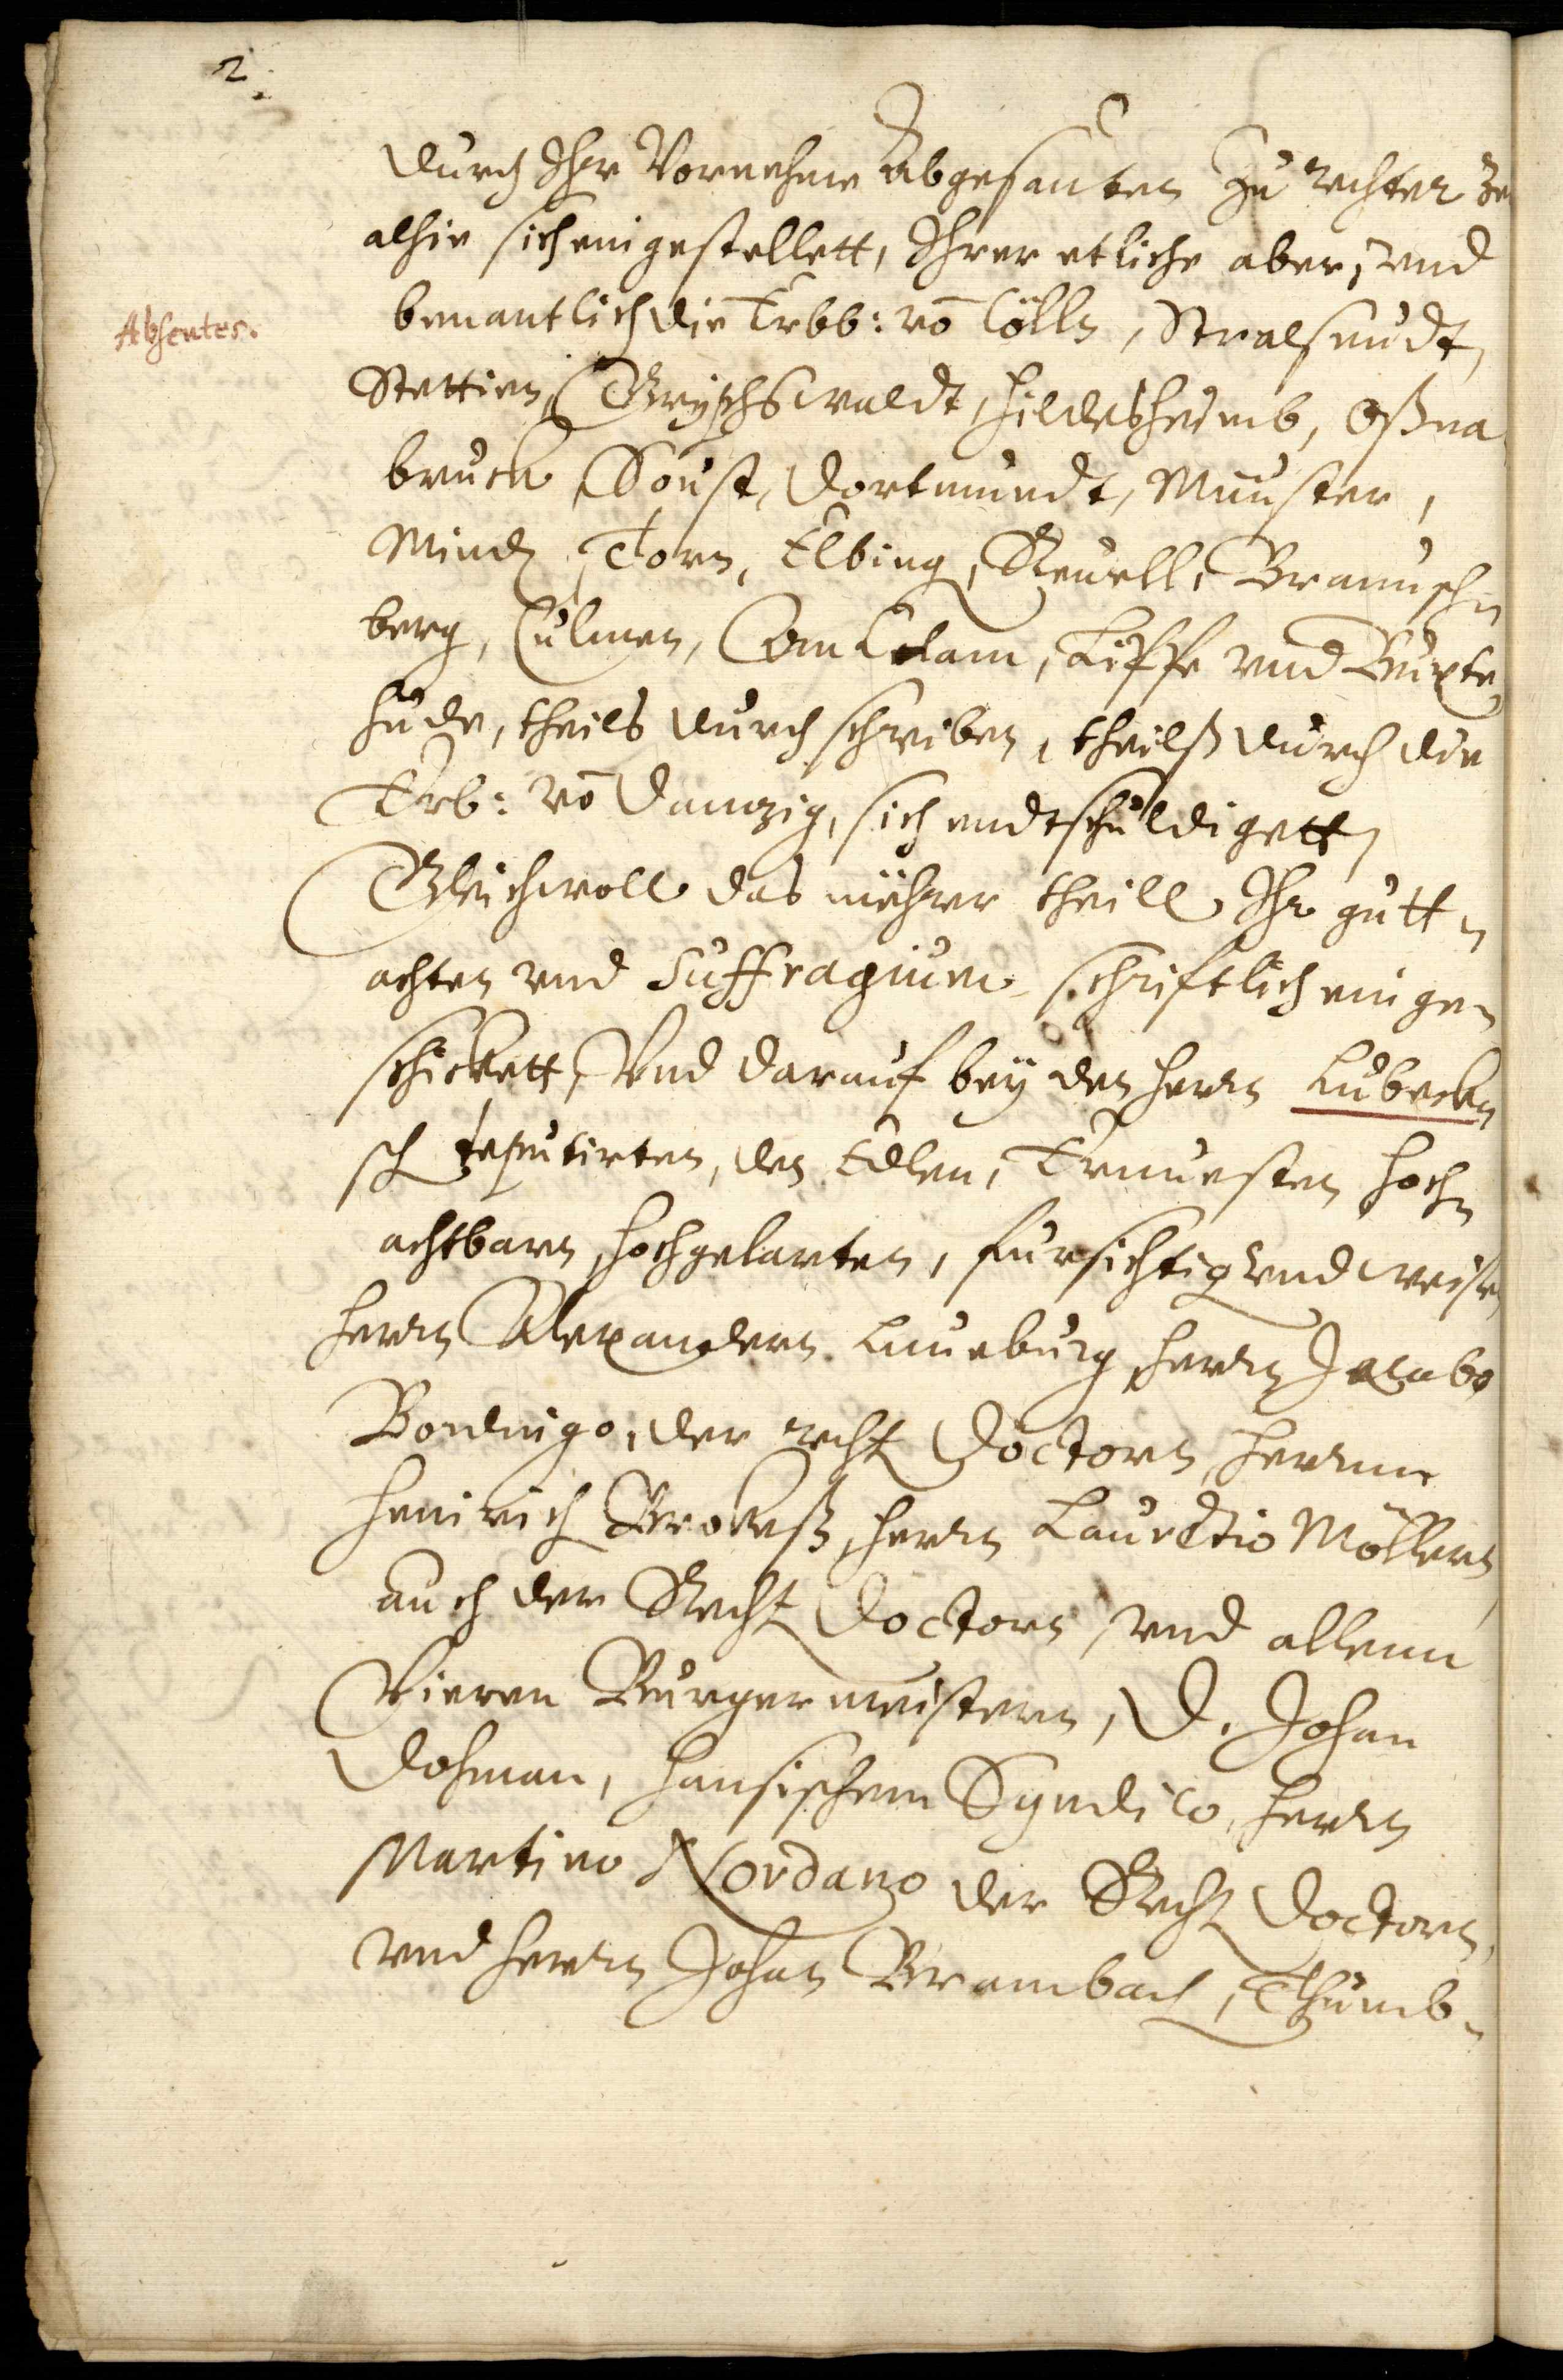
2
durch Ihr Vornehme Abgesanten zu rechter ze
alhie sich eingestellett, Ihrer etliche aber, vnd
benantlich die Erbb: von Cölln, Stralsundt,
Stettien, Gryphswaldt, Hildesheimb, Oßna¬
bruck, Soest, Dortmundt, Münster,
Minden, Torn, Elbingen, Reuell, Braunsch¬
berg, Culmen, An Celam, Lippe vnd Buxte¬
hude, theils durch schreiben, theilß durch die
Erb: von Dantzig, sich endtschuldigett,
Gleichwoll das mehrer theill Ihr gutt¬
achten vnd suffragium, schriftlich einge¬
schickett, Vnd darauf beij den herrn Lubeck¬
schen deputirten, den Edlen, Ernuesten hoch¬
achtbarn, hochgelarten, fursichtigen vnd weisen
herrn Alexandern Luneburg, herrn Jacobo
Bordingo, der rechten Doctorn, herrnn
Heinrich Brokeß, herrn Laurentio Möllern,
auch der Rechten Doctorn, vnd allenn
Vieren Burgermeistern, D. Johan
Dohman, hansischem Syndico, herrn
Martino Nordano der Rechten Doctorn,
vnd herrn Johan Brambachen, Thumb¬
Absentes
